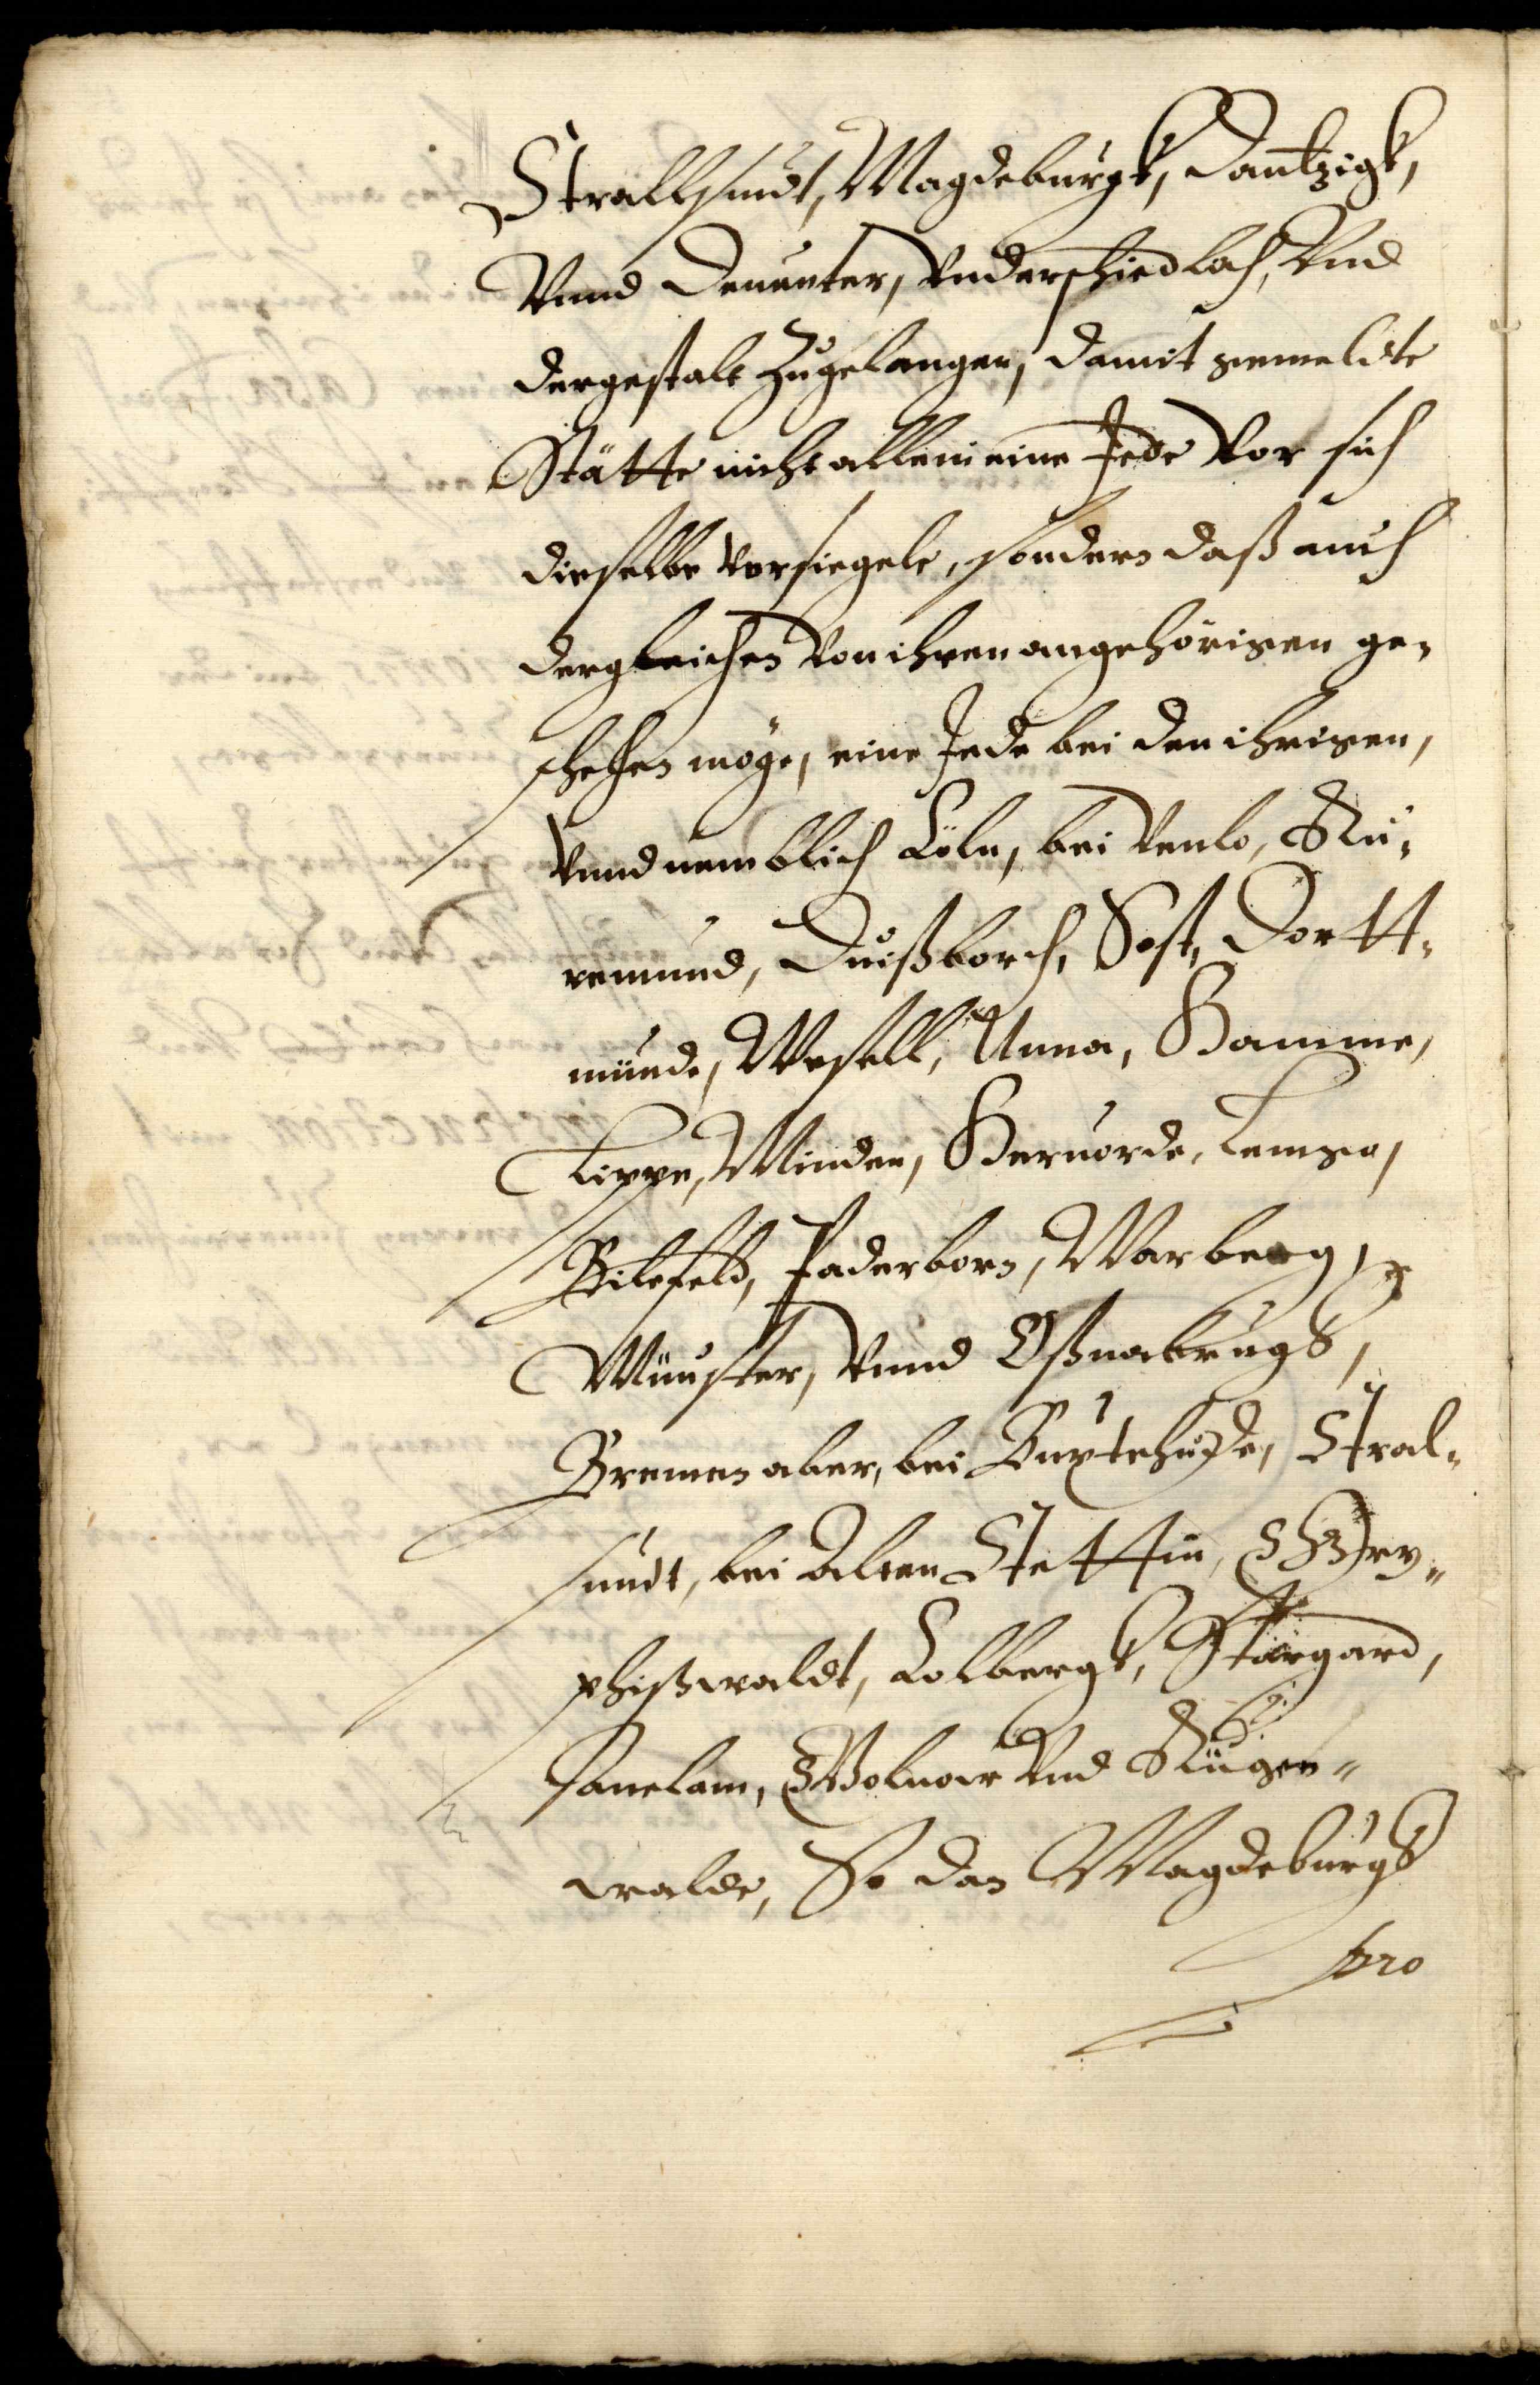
Strallsundt, Magdeburgk, Dantzigk,
Vnnd Deuenter, Vnderschiedlich, Vnd
dergestalt zugelangen, damit gemeldte
Stätte nicht allein eine Jeder Vor sich
dieselbe Vorsiegele, sondern daß auch
dergleichen Von ihren angehörigen ge¬
schehen möge, eine Jede bei den ihrigen,
Vnnd nemblich Cöln, bei Venlo, Ru¬
remund, Duißborch, Sost, Dortt¬
münde, Wesell, Unna, Hamme,
Lippe, Minden, Heruorde, Lemgo,
Bilefeld, Paderborn, Warberg,
Münster, Vnnd Oßnabrugk,
Bremen aber, bei Buxtehude, Stral¬
sundt, bei Alten Stettin, Gry¬
phißwaldt, Colbergk, Stargard,
Anclam, Golnow Vnd Rügen¬
walde, So dan Magdeburgk
pro
